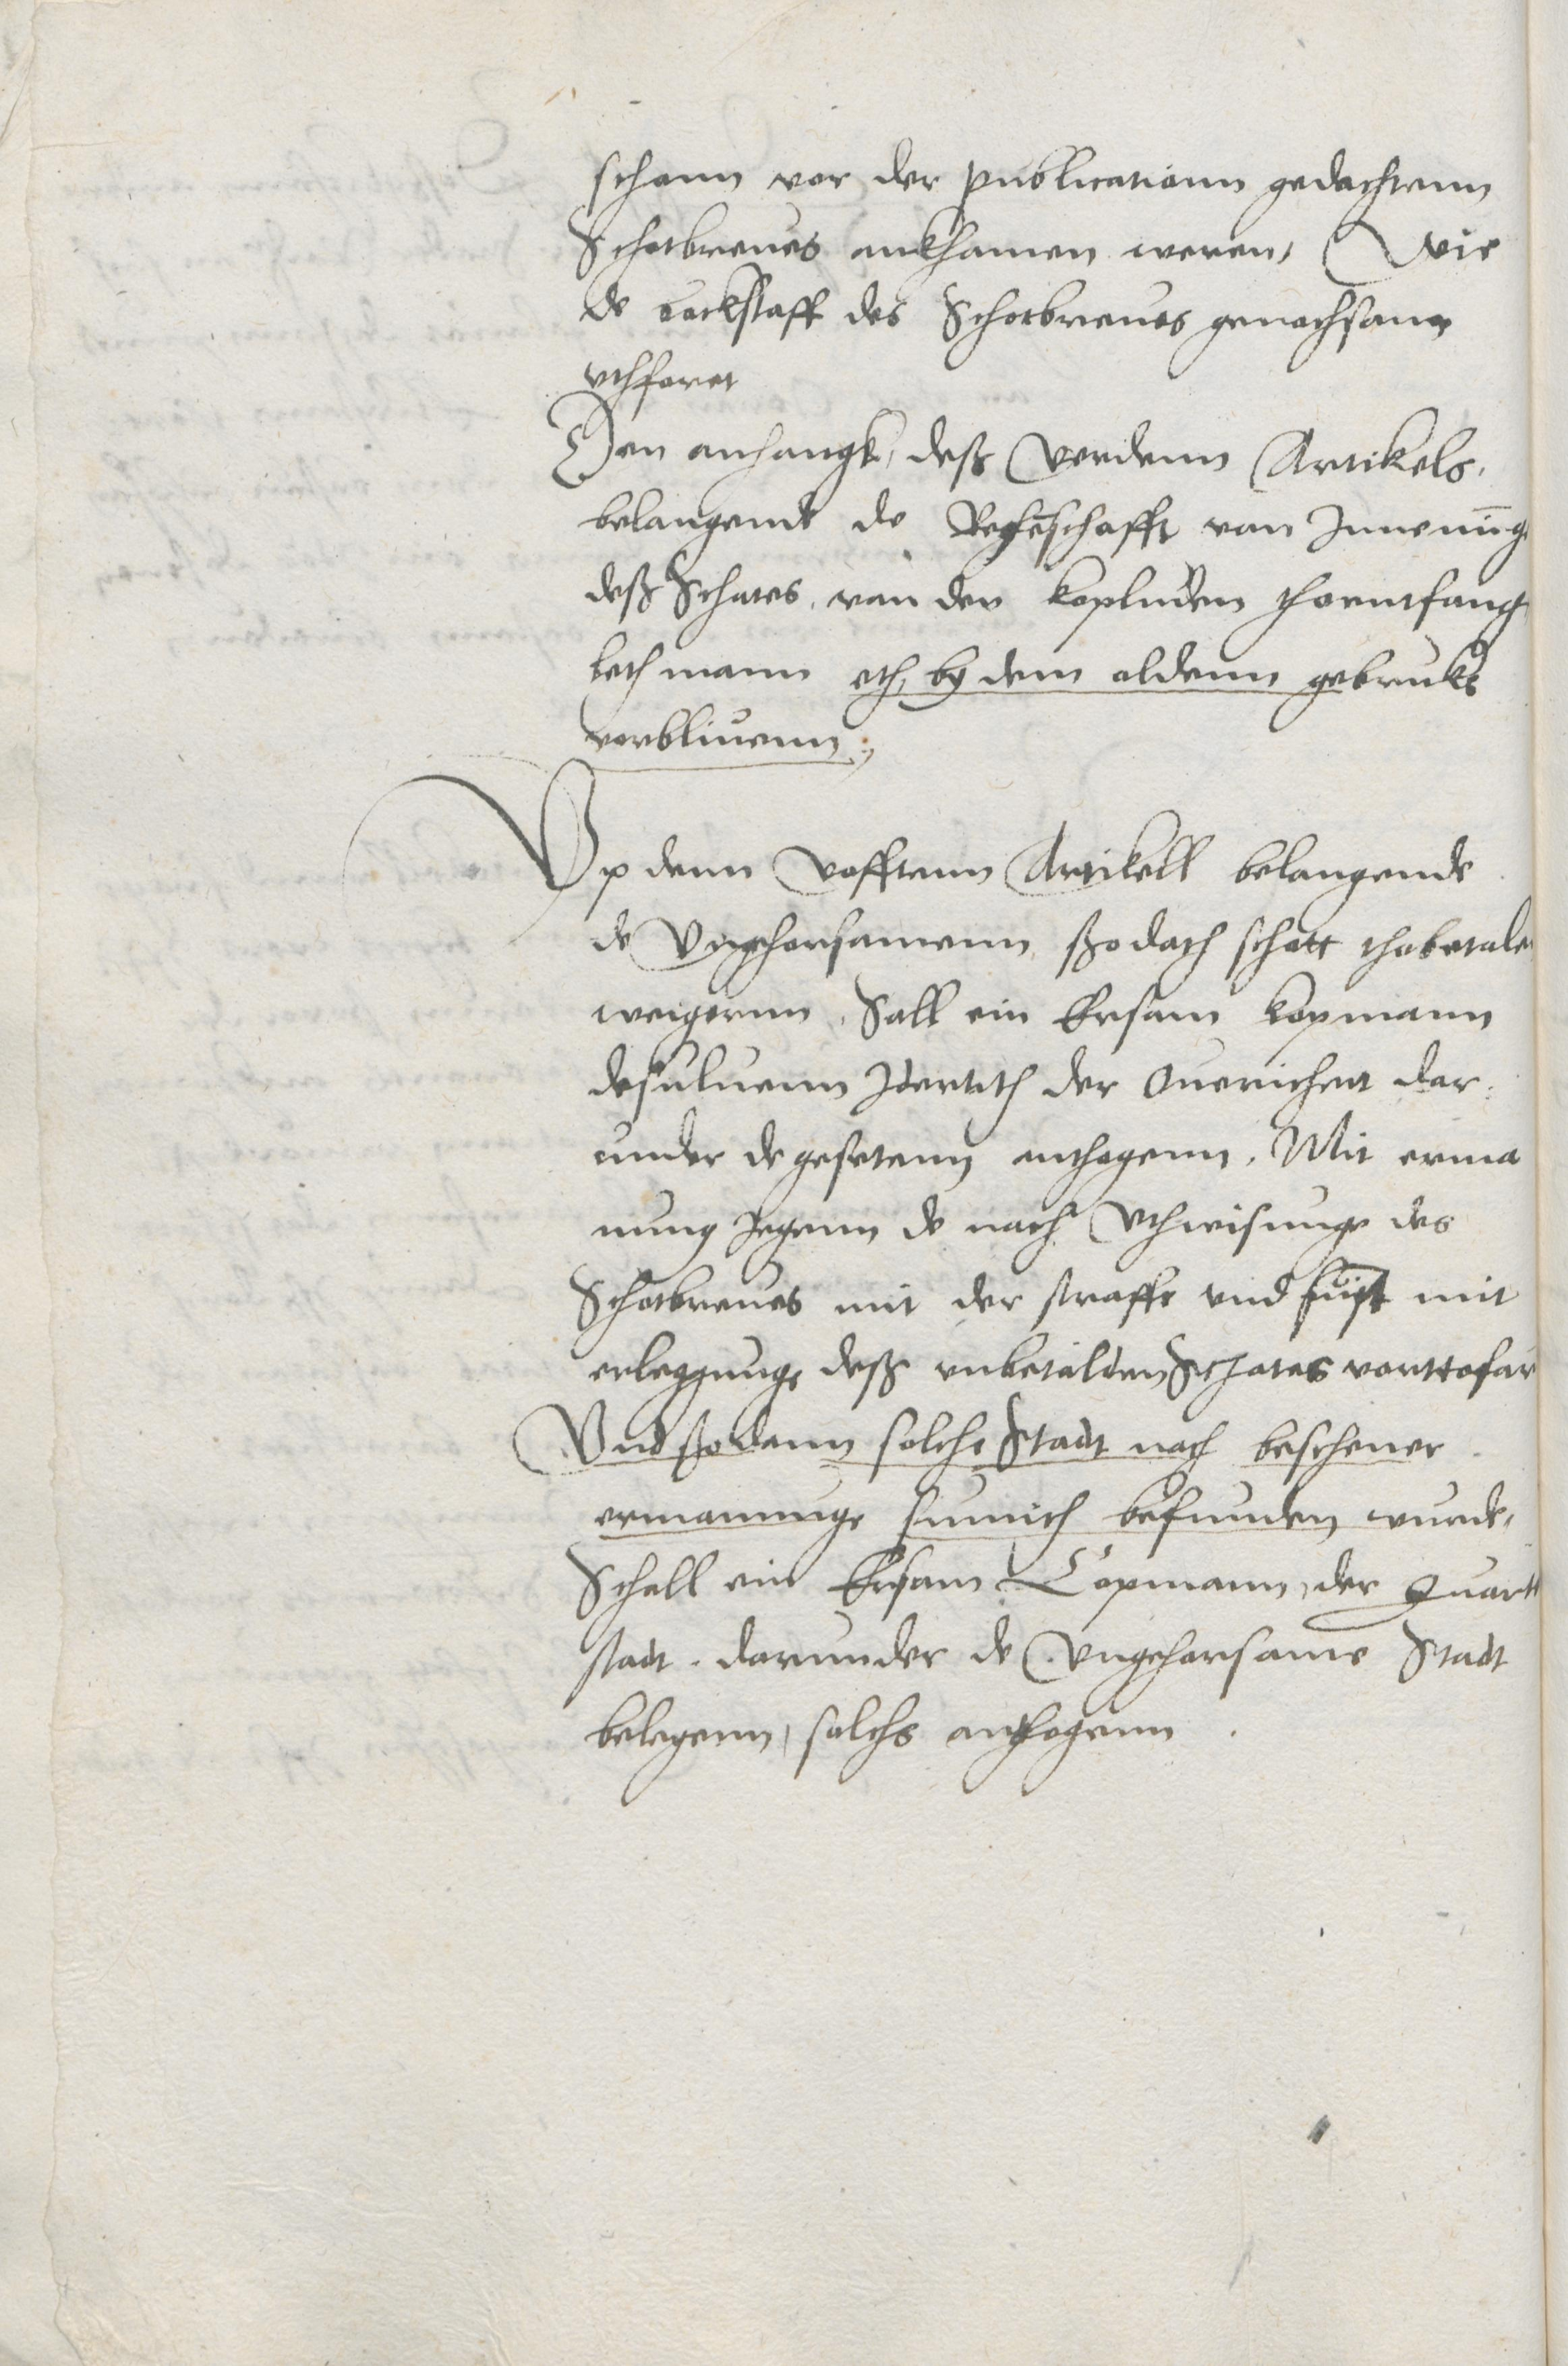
schonn vor der publicationn gedachtenn
Schotbreues ankhamen weren, Wie
de bockstaff des Schotbreues genochsam
vthforet
Den anhangk, deß Verdenn Artikels
belangende de Rechenschafft van Jnneminge
deß Schates, van den kopluden thoentfang
leth mann eth, by dem oldenn gebruke
vorbliuenn,
Vp denn vofftenn Artikell belangende
de Vngehorsamenn ßo dath schott tho betale
weigernn Sall ein Ersam kopmann
desuluenn jdertith der Ouericheit dar¬
under de gesetenn anthogenn, Mit erma
nung Jegenn de nach vthwisunge des
Schotbreues mit der straffe vnd sunst mit
erleggunge deß vnbetalden Schotes vorttofar
Vnd ßo dann solche Stadt nach beschener
ermannunge sumich befunden wurde,
Schall ein Ersam Copmann, der Quartt
stadt darunder de Vngehorsame Stadt
belegenn, solchs anthogenn.
